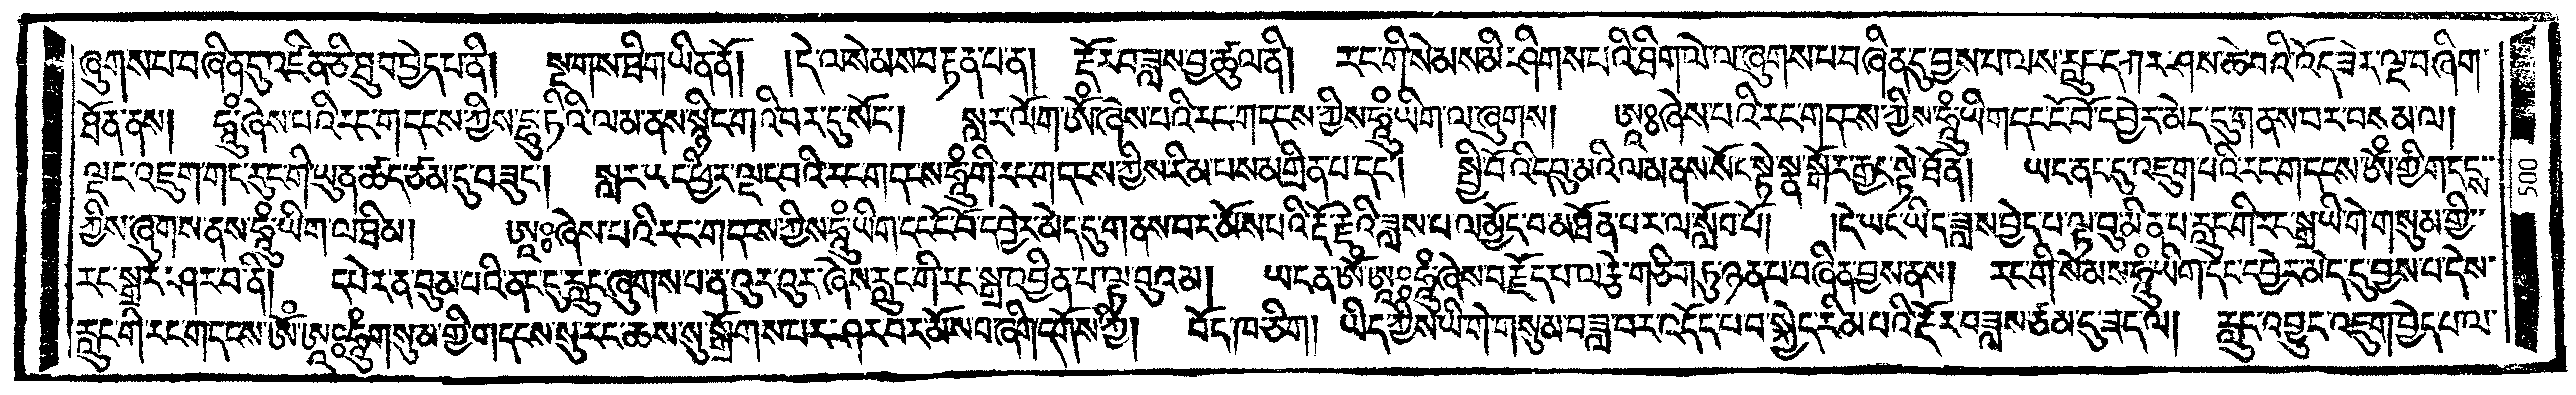ཞུགས་པ་བཞིན་དུ་འཛིན་ཅི་ཐུབ་བྱེད་པ་ནི། སྔགས་ཐིག་ཡིན་ནོ། །དེ་ལ་སེམས་བརྟན་པ་ན། རྡོར་བཟླས་བྱ་ཚུལ་ནི། རང་གི་སེམས་མི་ཤིགས་པའི་ཐིག་ལེ་ལ་ཞུགས་པ་བཞིན་དུ་བྱས་པ་ལས་རླུང་དཀར་ཤས་ཆེ་བའི་འོད་ཟེར་ལྔ་བཞིག་
ཐོན་ནས། ཧཱུཾ་ཞེས་པའི་རང་གདངས་ཀྱིས་དྷུ་ཏིའི་ལམ་ནས་སྙིང་གའི་བར་དུ་སོང་། སླར་ལོག་ཨོཾ་ཞེས་པའི་རང་གདངས་ཀྱིས་ཧཱུཾ་ཡིག་ལ་ཞུགས། ཨཱཿཞེས་པའི་རང་གདངས་ཀྱིས་ཧཱུཾ་ཡིག་དང་ངོ་བོ་དབྱེར་མེད་དུ་གནས་བར་བསམ་ལ།
ལྡང་འཇུག་གང་རུང་གི་ཡུན་ཚད་ཙམ་དུ་བཟུང་། སླར་ཡང་ཕྱིར་ལྡང་བའི་རང་གདངས་ཧཱུཾ་གི་རང་གདངས་ཀྱིས་རིམ་པས་མགྲིན་པ་དང་། སྤྱི་བོའི་དབུ་མའི་ལམ་ནས་སོང་སྟེ་སྣ་སྒོར་རྒྱང་སྟེ་ཐོན། ཡང་ནང་དུ་འཇུག་པའི་རང་གདངས་ཨོཾ་གྱི་གདངས་
ཀྱིས་ཞུགས་ནས་ཧཱུཾ་ཡིག་ལ་ཐིམ། ཨཱཿཞེས་པའི་རང་གདངས་ཀྱིས་ཧཱུཾ་ཡིག་དང་ངོ་བོ་དབྱེར་མེད་དུ་གནས་པར་མོས་པའི་རྡོ་རྗེའི་ཟླས་པ་ལ་མྱོང་བ་མཐོན་པར་ལ་སློབ་པོ། །དེ་ཡང་ཡིད་ཟླས་བྱེད་པ་ལྟ་བུ་མིན་པ་རླུང་གི་རང་སྒྲ་ཡི་གེ་གསུམ་གྱི་
རང་སྒྲར་ཤར་བ་ནི། དཔེར་ན་བུམ་པའི་ནང་དུ་རླུང་ཞུགས་པ་ན་འུར་འུར་ཞེས་རླུང་གི་རང་སྒྲ་འབྱིན་པ་ལྟ་བུའམ། ཡང་ན་ཨོཾ་ཨཱཿཧཱུཾ་ཞེས་བརྗོད་པ་ལ་རྩེ་གཅིག་ཏུ་ཉན་པ་བཞིན་བྱས་ནས། རང་གི་སེམས་ཧཱུཾ་ཡིག་དང་དབྱེར་མེད་དུ་བྱས་པ་དེས་
རླུང་གི་རང་གདངས་ཨོཾ་ཨཱཿཧཱུཾ་གསུམ་གྱི་གདངས་སུ་རང་ཆས་སུ་སྒྲོགས་པར་ཤར་བར་མོས་པ་ཞིག་དགོས་ཀྱི། བོད་ཁ་ཅིག། ཡིད་ཀྱིས་ཡི་གེ་གསུམ་བཟླ་བར་འདོད་པ་བསྐྱེད་རིམ་པའི་རྡོར་བཟླས་ཙམ་དུ་ཟད་ལ། རླུང་འབྱུང་འཇུག་བྱེད་པ་ལ་